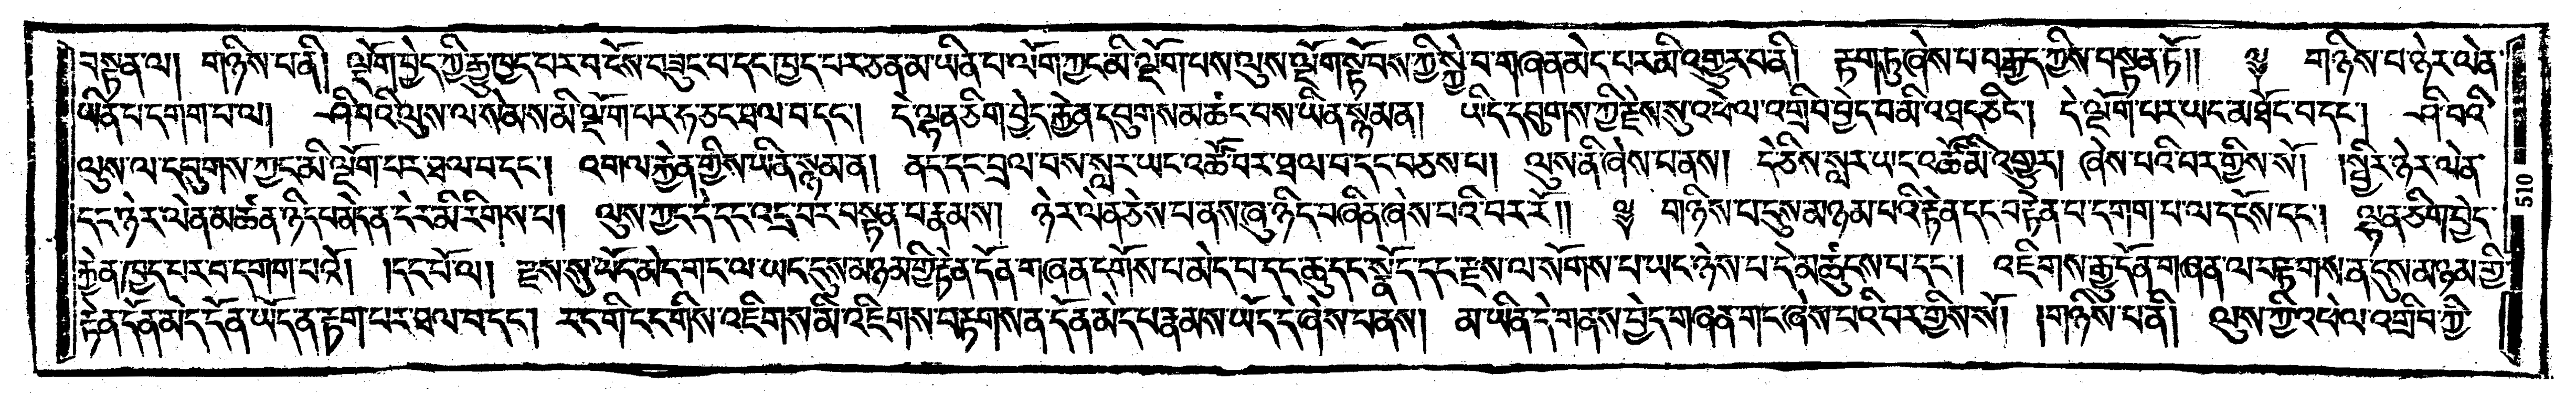བསྟན་ལ། གཉིས་པ་ནི། ལྡོག་བྱེད་ཀྱི་རྒྱུ་ཁྱད་པར་བ་ངོས་བཟུང་བ་དང་ཁྱད་པར་ཅན་མ་ཡིན་པ་ལོག་ཀྱང་མི་ལྡོག་པས་ལུས་ལྡོག་སྟོབས་ཀྱི་སྐྱེ་བ་གཞན་མེད་པར་མི་འགྱུར་བ་ནི། རྟག་ཏུ་ཞེས་པ་བརྒྱད་ཀྱིས་བསྟན་ཏོ།། ༈ གཉིས་པ་ཉེར་ལེན་
ཡིན་པ་དགག་པ་ལ། ཤི་བའི་ལུས་ལ་སེམས་མི་ལྡོག་པར་ཧ་ཅང་ཐལ་བ་དང་། དེ་ལྷན་ཅིག་བྱེད་རྐྱེན་དབུགས་མ་ཚང་བས་ཡིན་སྙམ་ན། ཡིད་དབུགས་ཀྱི་རྗེས་སུ་འཕེལ་འགྲིབ་བྱེད་པ་མི་འཐད་ཅིང་། དེ་ལྡོག་པར་ཡང་མཐོང་བ་དང་། ཤི་བའི་
ལུས་ལ་དབུགས་ཀྱང་མི་ལྡོག་པར་ཐལ་བ་དང་། འགལ་རྐྱེན་གྱིས་ཡིན་སྙམ་ན། ནད་དང་བྲལ་བས་སླར་ཡང་འཚོ་བར་ཐལ་བ་དང་བཅས་པ། ལུས་ནི་ཞེས་པ་ནས། དེ་ཅིས་སླར་ཡང་འཚོ་མི་འགྱུར། ཞེས་པའི་བར་གྱིས་སོ། །སྤྱིར་ཉེར་ལེན་
དང་ཉེར་ལེན་མཚན་ཉིད་པ་མེད་ན་དེར་མི་རིགས་པ། ལུས་ཀྱང་དེ་དང་འདྲ་བར་བསྟན་པ་རྣམས། ཉེར་ལེན་ཅེས་པ་ནས་ཞུ་ཉིད་བཞིན་ཞེས་པའི་བར་རོ།། ༈ གཉིས་པ་དུས་མཉམ་པའི་རྟེན་དང་བརྟེན་པ་དགག་པ་ལ་དངོས་དང་། ལྷན་ཅིག་བྱེད་
རྐྱེན་ཁྱད་པར་བ་དགག་པའོ། །དང་པོ་ལ། རྫས་སུ་ཡོད་མེད་གང་ལ་ཡང་དུས་མཉམ་གྱི་རྟེན་དོན་གཞན་དགོས་པ་མེད་པ་དང་ཆུ་དང་སྣོད་དང་རྫས་ལ་སོགས་པ་ཡང་ཉེས་པ་དེ་མཚུངས་པ་དང་། འཇིགས་རྒྱུ་དོན་གཞན་ལ་བརྟགས་ན་དུས་མཉམ་གྱི་
རྟེན་དོན་མེད་དོན་ཡོད་ན་རྟག་པར་ཐལ་བ་དང་། རང་གི་ངང་གིས་འཇིགས་མི་འཇིགས་བརྟགས་ན་དོན་མེད་པ་རྣམས་ཡོད་དེ་ཞེས་པ་ནས། མ་ཡིན་དེ་གནས་བྱེད་གཞན་གང་ཞེས་པའི་བར་གྱིས་སོ། །གཉིས་པ་ནི། ལུས་ཀྱི་འཕེལ་འགྲིབ་ཀྱི་